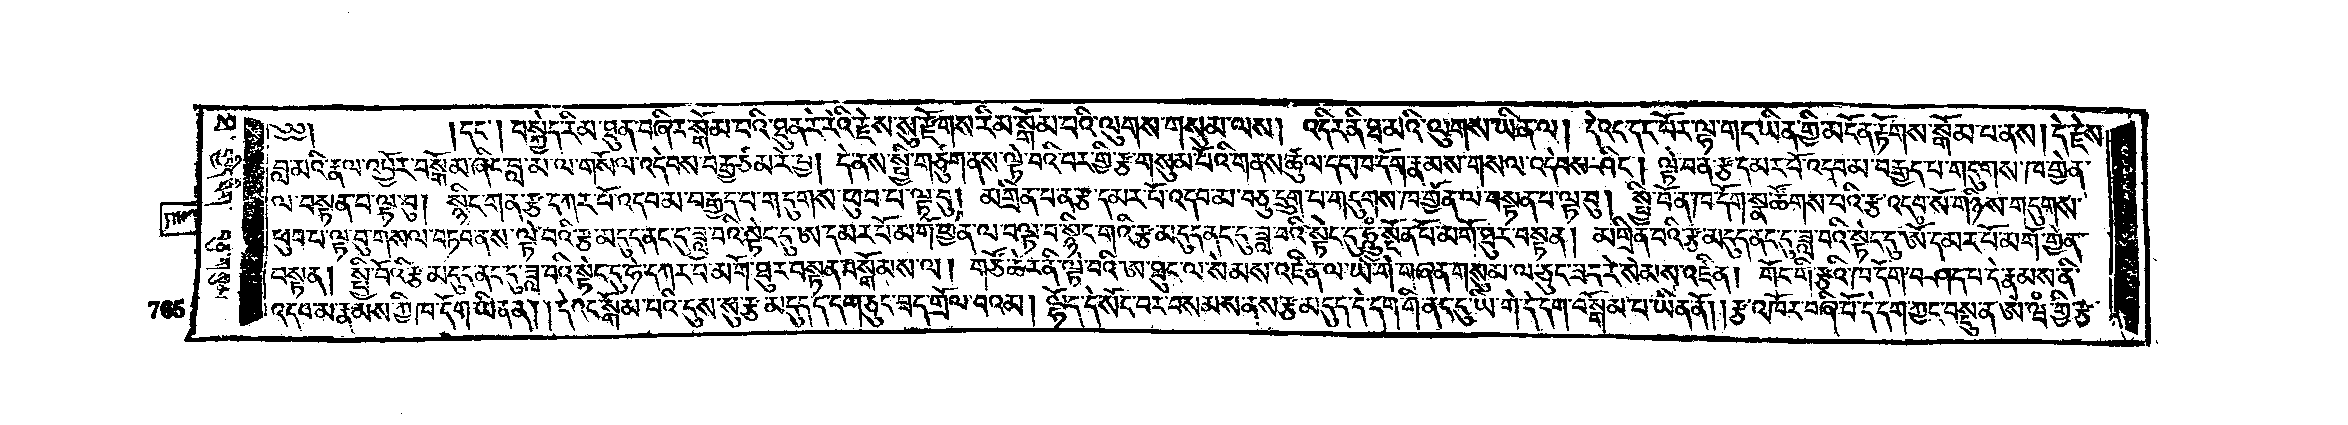༄༅། །དང་། བསྐྱེད་རིམ་ཐུན་བཞིར་སྒོམ་པའི་ཐུན་རེ་རེའི་རྗེས་སུ་རྫོགས་རིམ་སྒོམ་པའི་ལུགས་གསུམ་ལས། འདིར་ནི་ཐ་མའི་ལུགས་ཡིན་ལ། དེའང་དང་པོར་ལྷ་གང་ཡིན་གྱི་མངོན་རྟོགས་སྒོམ་པ་ནས། དེ་རྗེས་
བླ་མའི་རྣལ་འབྱོར་བསྒོམ་ཞིང་བླ་མ་ལ་གསོལ་འདེབས་བརྒྱ་ཙམ་རེ་བྱ། དེ་ནས་སྤྱི་གཙུག་ནས་ལྟེ་བའི་བར་གྱི་རྩ་གསུམ་པོའི་གནས་ཚུལ་དང་ཁ་དོག་རྣམས་གསལ་འདེབས་ཤིང་། ལྟེ་བ་ན་རྩ་དམར་པོ་འདབ་མ་བརྒྱད་པ་གདུགས་ཁ་གྱེན་
ལ་བསྟན་པ་ལྟ་བུ། སྙིང་ག་ན་རྩ་དཀར་པོ་འདབ་མ་བརྒྱད་པ་གདུགས་ཕུབ་པ་ལྟ་བུ། མགྲིན་པ་ན་རྩ་དམར་པོ་འདབ་མ་བཅུ་དྲུག་པ་གདུགས་ཁ་གྱེན་ལ་བསྟན་པ་ལྟ་བུ། སྤྱི་བོ་ན་ཁ་དོག་སྣ་ཚོགས་པའི་རྩ་འདབ་སོ་གཉིས་གདུགས་
ཕུབ་པ་ལྟ་བུ་གསལ་བཏབ་ནས་ལྟེ་བའི་རྩ་མདུད་ནང་དུ་ཟླ་བའི་སྟེང་དུ་ཨ་དམར་པོ་མགོ་གྱེན་ལ་བལྟ་བ་སྙིང་གའི་རྩ་མདུད་ནང་དུ་ཟླ་བའི་སྟེང་དུ་ཧཱུཾ་སྔོན་པོ་མགོ་ཐུར་བསྟན། མགྲིན་པའི་རྩ་མདུད་ནང་དུ་ཟླ་བའི་སྟེང་དུ་ཨོཾ་དམར་པོ་མགོ་གྱེན་
བསྟན། སྤྱི་བོའི་རྩ་མདུད་ནང་དུ་ཟླ་བའི་སྟེང་དུ་ཧེ་དཀར་པོ་མགོ་ཐུར་བསྟན་བསྒོམས་ལ། གཙོ་ཆེར་ནི་ལྟེ་བའི་ཨ་ཐུང་ལ་སེམས་འཛིན་ལ་ཡི་གེ་གཞན་གསུམ་ལ་ཅུང་ཟད་རེ་སེམས་འཛིན། གོང་གི་རྩའི་ཁ་དོག་བཤད་པ་དེ་རྣམས་ནི་
འདབ་མ་རྣམས་ཀྱི་ཁ་དོག་ཡིན་ནོ། །དེའང་སྒོམ་པའི་དུས་སུ་རྩ་མདུད་ད་དག་ཅུང་ཟད་ཀྲོལ་བའམ། ལྷོད་དེ་སོང་བར་བསམས་ནས་རྩ་མདུད་དེ་དག་གི་ནང་དུ་ཡི་གེ་དེ་དག་བསྒོམ་པ་ཡིན་ནོ། །རྩ་འཁོར་བཞི་པོ་དེ་དག་ཀྱང་བསྡུ་ན་ཨེ་ཝཾ་གྱི་རྩ་